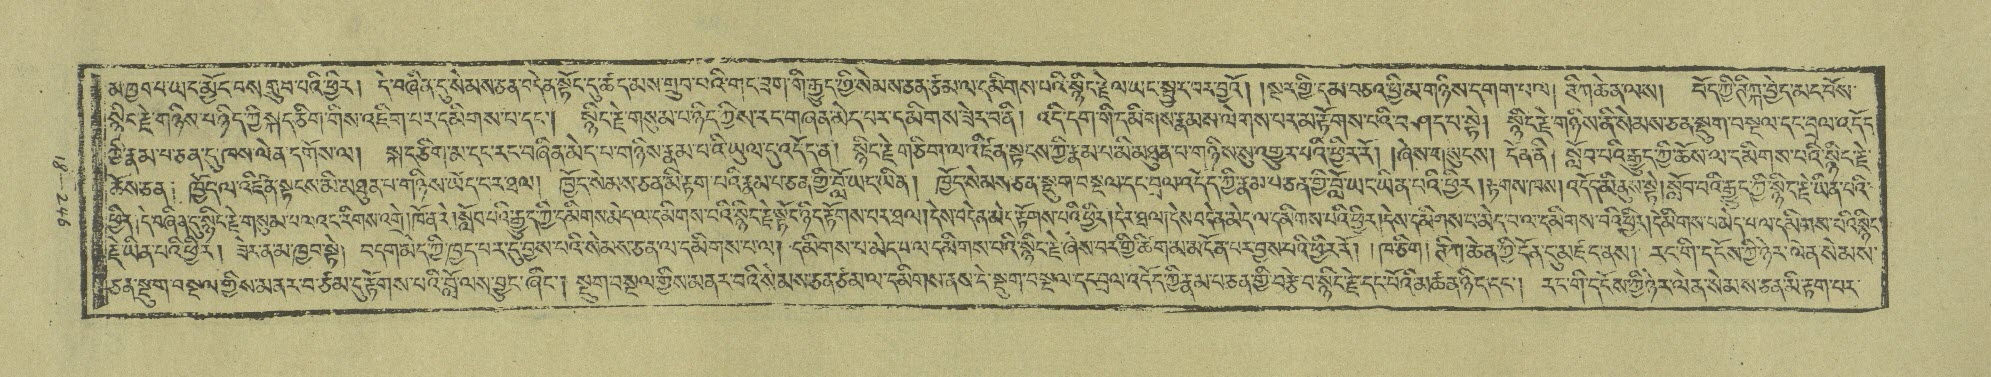མ་ཁྱབ་པ་ཡང་མྱོང་བས་གྲུབ་པའི་ཕྱིར། དེ་བཞིན་དུ་སེམས་ཅན་བདེན་སྟོང་དུ་ཚད་མས་གྲུབ་པའི་གང་ཟག་གི་རྒྱུད་ཀྱི་སེམས་ཅན་ཙམ་ལ་དམིགས་པའི་སྙིང་རྗེ་ལ་ཡང་སྦྱར་བར་བྱའོ། །སྔར་གྱི་དམ་བཅའ་ཕྱི་མ་གཉིས་དགག་པ་ལ། ཊིཀ་ཆེན་ལས། བོད་ཀྱི་ཊིཀྐ་བྱེད་མང་པོས་
སྙིང་རྗེ་གཉིས་པ་ཉིད་ཀྱི་སྐད་ཅིག་གིས་འཇིག་པར་དམིགས་པ་དང་། སྙིང་རྗེ་གསུམ་པ་ཉིད་ཀྱིས་རང་གཞན་མེད་པར་དམིགས་ཟེར་བ་ནི། འདི་དག་གི་དམིགས་རྣམས་ལེགས་པར་མ་རྟོགས་པའི་བཤད་པ་སྟེ། སྙིང་རྗེ་གཉིས་ནི་སེམས་ཅན་སྡུག་བསྔལ་དང་བྲལ་འདོད་
ཀྱི་རྣམ་པ་ཅན་དུ་ཁས་ལེན་དགོས་ལ། སྐད་ཅིག་མ་དང་རང་བཞིན་མེད་པ་གཉིས་རྣམ་པའི་ཡུལ་དུ་འདོད་ན། སྙིང་རྗེ་གཅིག་ལ་འཛིན་སྟངས་ཀྱི་རྣམ་པ་མི་མཐུན་པ་གཉིས་སུ་འགྱུར་པའི་ཕྱིར་རོ། །ཞེས་གསུངས། དོན་ནི། སློབ་པའི་རྒྱུད་ཀྱི་ཆོས་ལ་དམིགས་པའི་སྙིང་རྗེ་
ཆོས་ཅན། ཁྱོད་ལ་འཛིན་སྟངས་མི་མཐུན་པ་གཉིས་ཡོད་པར་ཐལ། ཁྱོད་སེམས་ཅན་མི་རྟག་པའི་རྣམ་པ་ཅན་གྱི་བློ་ཡང་ཡིན། ཁྱོད་སེམས་ཅན་སྡུག་བསྔལ་དང་བྲལ་འདོད་ཀྱི་རྣམ་པ་ཅན་གྱི་བློ་ཡང་ཡིན་པའི་ཕྱིར་།རྟགས་ཁས། འདོད་མི་ནུས་སྟེ། སློབ་པའི་རྒྱུད་ཀྱི་སྙིང་རྗེ་ཡིན་པའི་
ཕྱིར། དེ་བཞིན་དུ་སྙིང་རྗེ་གསུམ་པ་ལའང་རིགས་འགྲེ། ཁོ་ན་རེ། སློབ་པའི་རྒྱུད་ཀྱི་དམིགས་མེད་ལ་དམིགས་པའི་སྙིང་རྗེ་སྟོང་ཉིད་རྟོགས་པར་ཐལ། དེས་བདེན་མེད་རྟོགས་པའི་ཕྱིར། དེར་ཐལ། དེས་བདེན་མེད་ལ་དམིགས་པའི་ཕྱིར། དེས་དམིགས་པ་མེད་པ་ལ་དམིགས་པའི་ཕྱིར། དེས་དམིགས་པ་མེད་པ་ལ་དམིགས་པའི་སྙིང་
རྗེ་ཡིན་པའི་ཕྱིར། ཟེར་ན་མ་ཁྱབ་སྟེ། བདག་མེད་ཀྱི་ཁྱད་པར་དུ་བྱས་པའི་སེམས་ཅན་ལ་དམིགས་པ་ལ། དམིགས་པ་མེད་པ་ལ་དམིགས་པའི་སྙིང་རྗེ་ཞེས་བར་གྱི་ཚིག་མ་མངོན་པར་བྱས་པའི་ཕྱིར་རོ། །ཁ་ཅིག །ཊིཀ་ཆེན་གྱི་དོན་དུ་མཛད་ནས། རང་གི་དངོས་ཀྱི་ཉེར་ལེན་སེམས་
ཅན་སྡུག་བསྔལ་གྱིས་མནར་བ་ཙམ་དུ་རྟོགས་པའི་བློ་ལས་བྱུང་ཞིང་། སྡུག་བསྔལ་གྱིས་མནར་བའི་སེམས་ཅན་ཙམ་ལ་དམིགས་ནས་དེ་སྡུག་བསྔལ་དང་བྲལ་འདོད་ཀྱི་རྣམ་པ་ཅན་གྱི་བརྩེ་བ་སྙིང་རྗེ་དང་པོའི་མཚན་ཉིད་དང་། རང་གི་དངོས་ཀྱི་ཉེར་ལེན་སེམས་ཅན་མི་རྟག་པར་